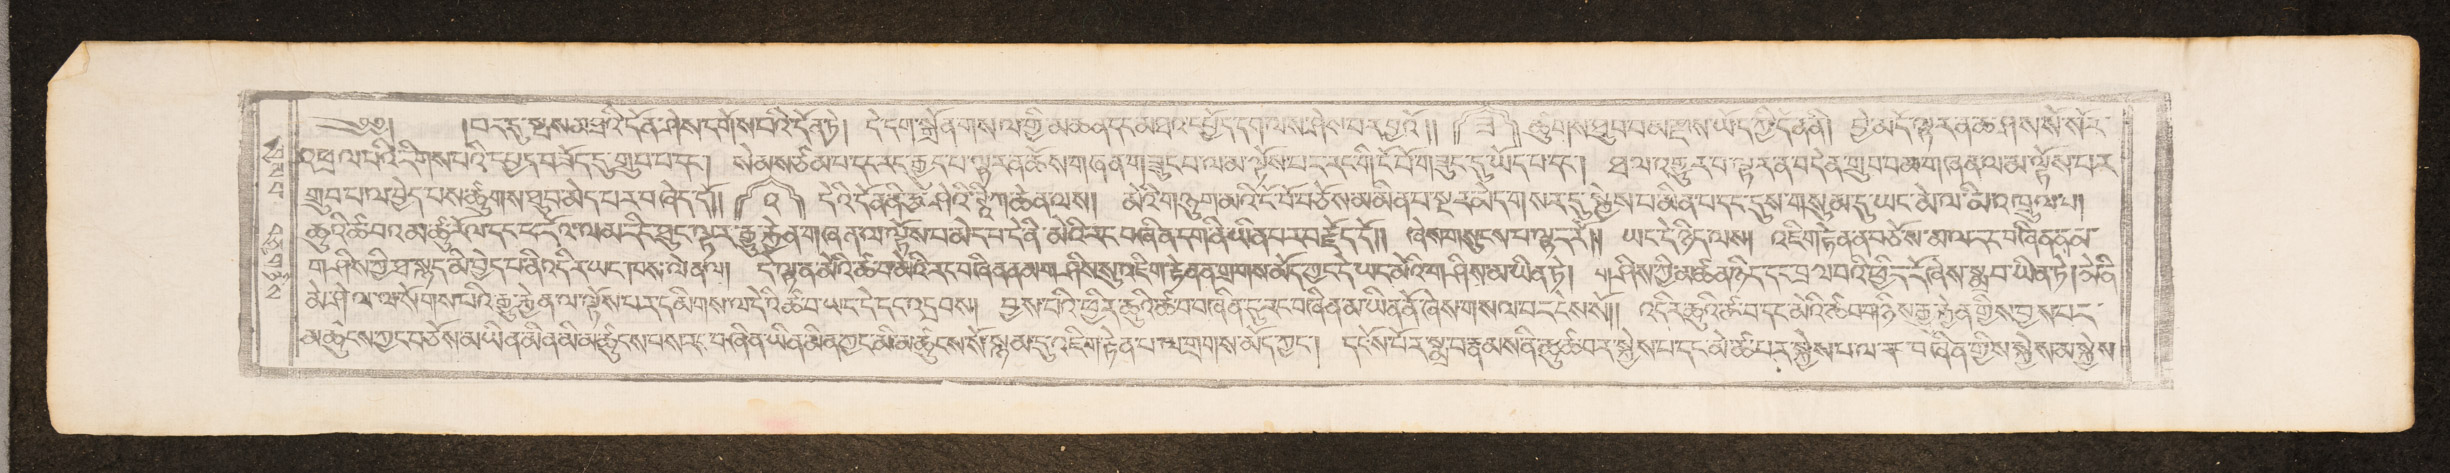༄༅། །པར་དུ་སྤས་མཐའི་དོན་ཤེས་དགོས་པའི་དོན་ཏེ། དེ་དག་སྒྲོན་གསལ་གྱི་མཆན་དང་མཐའ་དཔྱོད་དག་ལས་ཤེས་པར་བྱའོ།། ༼༽ཟ༼༽ ཚུགས་ཐུབ་བམ་རྫས་ཡོད་ཀྱི་དོན་ནི། །བྱེ་མདོ་ལྟར་ན་ཆ་ཤས་སོ་སོར་
འཕྲལ་པའི་རིགས་པའི་དཔྱད་བཟོད་དུ་གྲུབ་པ་དང་། སེམས་ཙམ་པ་དང་རང་རྒྱུད་པ་ལྟར་ན་ཆོས་གཞན་གཟུང་བ་ལ་མ་ལྟོས་པར་རང་གི་ངོ་བོ་གཟུང་དུ་ཡོད་པ་དང་། ཐལ་འགྱུར་བ་ལྟར་ན་བདེན་གྲུབ་བམ་གཞན་ལ་མ་ལྟོས་པར་
གྲུབ་པ་ལ་བྱེད་པས་ཚུགས་ཐུབ་མེད་པར་བཞེད་དོ།། ༼༽འ༼༽ དེའི་དོན་ནི་རྩ་ཤེའི་ཊཱིཀ་ཆེན་ལས། །མེའི་གཉུག་མའི་ངོ་བོ་བཅོས་མ་མིན་པ་སྔར་མེད་གསར་དུ་སྐྱེས་པ་མིན་པ་དང་དུས་གསུམ་དུ་ཡང་མེ་ལ་མི་འཁྲུལ་བ།
ཆུའི་ཚ་བའམ་ཚུ་རོལ་དང་ཕ་རོལ་ལམ་རིང་ཐུང་ལྟར་རྒྱུ་རྐྱེན་གཞན་ལ་ལྟོས་པ་མེད་པ་དེ་ནི་མེའི་རང་བཞིན་དག་ནི་ཡིན་པར་བརྗོད་དོ།། ཞེས་གསུངས་པ་ལྟར་རོ།། ཡང་དེ་ཉིད་ལས། འཇིག་རྟེན་ན་བཅོས་མ་ལ་རང་བཞིན་ནམ་
གཤིས་ཀྱི་ཐ་སྙད་མི་བྱེད་པ་ནི་འདིར་ཡང་ཁས་ལེན་ལ། དེ་ལྟ་ན་མེའི་ཚ་བ་མེའི་རང་བཞིན་ནམ་གཤིས་སུ་འཇིག་རྟེན་གྲགས་མོད་ཀྱང་དེ་ཡང་མེའི་གཤིས་མ་ཡིན་ཏེ། གཤིས་ཀྱི་མཚན་ཉིད་དང་བྲལ་བའི་ཕྱིར་རོ་ཞེས་སྨྲ་བ་ཡིན་ཏེ། མེ་ནི་
མེ་ཤེལ་ལ་སོགས་པའི་རྒྱུ་རྐྱེན་ལ་ལྟོས་པར་དམིགས་ལ་དེའི་ཚ་བ་ཡང་དེ་དང་འདྲ་བས། བྱས་པའི་ཕྱིར་ཆུའི་ཚ་བ་བཞིན་དུ་རང་བཞིན་མ་ཡིན་ནོ་ཞེས་གསལ་བར་ངེས་སོ།། འདིར་ཆུའི་ཚ་བ་དང་མེའི་ཚ་བ་གཉིས་རྒྱུ་རྐྱེན་གྱིས་བྱས་པར་
མཚུངས་ཀྱང་བཅོས་མ་ཡིན་མིན་མི་མཚུངས་པས་རང་བཞིན་ཡིན་མིན་ཀྱང་མི་མཚུངས་སོ་སྙམ་དུ་འཇིག་རྟེན་པ་ལ་གྲགས་མོད་ཀྱང་། དངོས་པོར་སྨྲ་བ་རྣམས་ནི་ཆུ་ཚ་བར་སྐྱེས་པ་དང་མེ་ཚ་པར་སྐྱེས་པ་ལ་རང་བཞིན་གྱིས་སྐྱེས་མ་སྐྱེས་